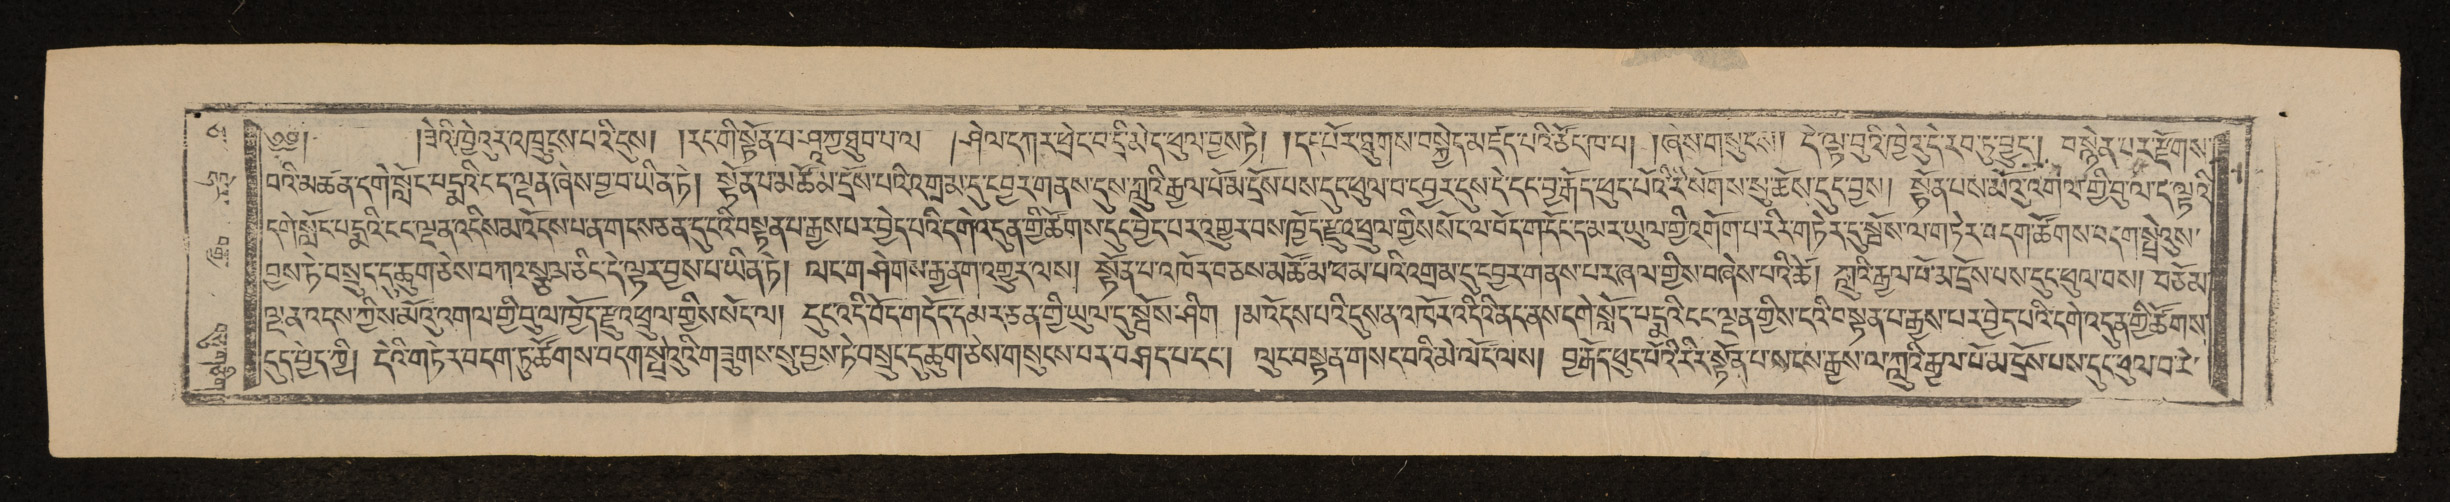༄༅། །ཟེའུ་ཁྱེའུར་འཁྲུངས་པའི་དུས། །རང་གི་སྟོན་པ་ཤཱཀྱ་ཐུབ་པ་ལ། །ཤེལ་དཀར་ཕྲེང་བ་དྲི་མེད་ཕུལ་བྱས་ཏེ། །དང་པོར་ཐུགས་བསྐྱེད་མཛད་པའི་ཙོང་ཁ་པ། །ཞེས་གསུངས། དེ་ལྟ་བུའི་ཁྱེའུ་དེ་རབ་ཏུ་བྱུང་། བསྙེན་པར་རྫོགས་
པའི་མཚན་དགེ་སློང་པདམའི་ངད་ལྡན་ཞེས་བྱ་བ་ཡིན་ཏེ། སྟོན་པ་མཚོ་མ་དྲོས་པའི་འགྲམ་དུ་དབྱར་གནས་དུས་ཀླུའི་རྒྱལ་པོ་མ་དྲོས་པས་དུང་ཕུལ་བ་དབྱར་དུས་དེ་དང་བྱ་རྒོད་ཕུང་པོའི་རི་སོགས་སུ་ཆོས་དུང་བྱས། སྟོན་པས་མོའུ་འགལ་གྱི་བུལ་ད་ལྟའི་
དགེ་སློང་པདམའི་ངད་ལྡན་འདིས་མ་འོངས་པ་ན་གངས་ཅན་དུ་ངའི་བསྟན་པ་རྒྱས་པར་བྱེད་པའི་དགེ་འདུན་གྱི་ཚོགས་དུད་བྱེད་པར་འགྱུར་བས་ཁྱོད་རྫུ་འཕྲུལ་གྱིས་སོང་ལ་བོད་གདོང་དམར་ཡུལ་གྱི་འགོག་པ་རིར་གཏེར་དུ་སྤོས་ལ་གཏེར་བདག་ཚོགས་བདག་སྤྲེའུས་
བྱས་ཏེ་བསྲུང་དུ་ཆུ་གཅེས་བཀའ་སྩལ་ཅིང་དེ་ལྟར་བྱས་པ་ཡིན་ཏེ། ལང་གཤེགས་རྒྱ་ནག་འགྱུར་ལས། སྟོན་པ་འཁོར་བཅས་མཚོས་ཕ་མ་པའི་འགྲམ་དུ་དབྱར་གནས་པར་ཞལ་གྱིས་བཞེས་པའི་ཚེ། ཀླུའི་རྒྱལ་པོ་མ་དྲོས་པས་དུང་ཕུལ་བས། བཅོམ་
ལྡན་འདས་ཀྱིས་མོའུ་འགལ་གྱི་བུ་ལ་ཁྱོད་རྫུ་འཕྲུལ་གྱིས་སོང་ལ། དུང་འདི་བོད་གདོང་དམར་ཅན་གྱི་ཡུལ་དུ་སྤོས་ཤིག །མ་འོངས་པའི་དུས་ན་འཁོར་འདིའི་ནང་ནས་དགེ་སློང་པདམའི་ངང་ལྡན་གྱིས་ངའི་བསྟན་པ་རྒྱས་པར་བྱེད་པའི་དགེ་འདུན་གྱི་ཚོགས་
དུང་བྱེད་ཀྱི། དེའི་གཏེར་བདག་ཏུ་ཚོགས་བདག་སྤྲེའུའི་གཟུགས་སུ་བྱས་ཏེ་བསྲུང་དུ་ཆུག་ཅེས་གསུངས་པར་བཤད་པ་དང་། ལུང་བསྟན་གསང་བའི་མེ་ལོང་ལས། བྱ་རྒོད་ཕུང་པོའི་རིར་སྟོན་པ་སངས་རྒྱས་ལ་ཀླུའི་རྒྱལ་པོ་མ་དྲོས་པས་དུང་ཕུལ་བ་རེ་